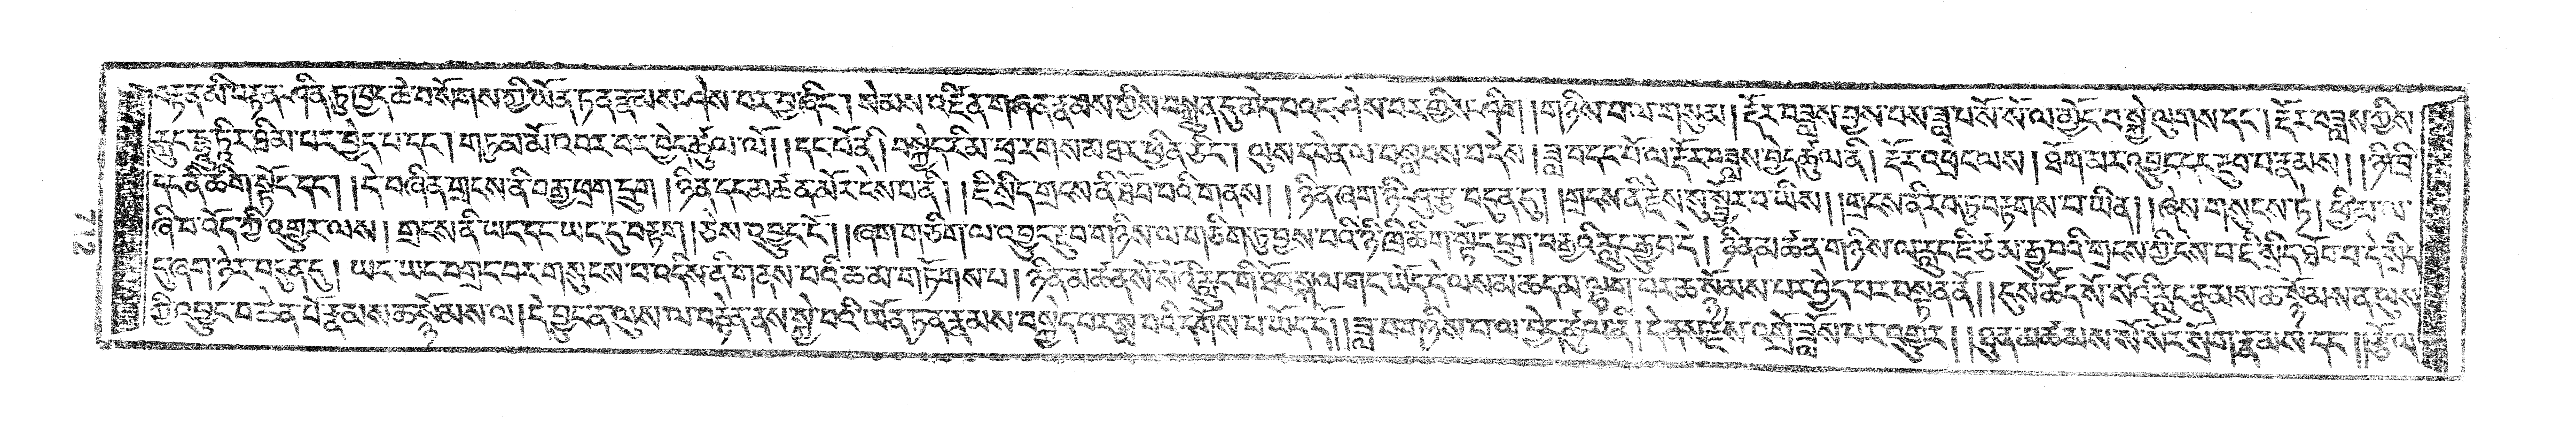བརྟན་མི་བརྟན་ཤིན་ཏུ་ཁྱད་ཆེ་བ་སོགས་ཀྱི་ཡོན་ཏན་རྣམས་ཤེས་པར་བྱ་ཞིང་། སེམས་འཛིན་གཞན་རྣམས་ཀྱིས་བསྒྲུན་དུ་མེད་པའང་ཤེས་པར་གྱིས་ཤིག །གཉིས་པ་ལ་གསུམ། རྡོར་བཟླས་བྱས་པས་ཟླ་བ་སོ་སོ་ལ་མྱོང་བ་སྐྱེ་ལུགས་དང་། རྡོར་བཟླས་ཀྱིས་
རླུང་དྷཱུ་ཏཱིར་ཐིམ་པར་བྱེད་པ་དང་། གཏུམ་མོ་འབར་བར་བྱེད་ཚུལ་ལོ། །དང་པོ་ནི། བསྐྱེད་རིམ་ཕྲ་རགས་མཐར་ཕྱིན་ཅིང་། ལུས་དབེན་ལ་བསླབས་པ་དེས། ཟླ་བ་དང་པོ་ལ་རྡོར་བཟླས་བྱེད་ཚུལ་ནི། རྡོར་འཕྲེང་ལས། ཐོག་མར་འབྱུང་དང་རྡུབ་པ་རྣམས། །ཉི་ཁྲི་
དང་ནི་ཚིག་སྟོང་དང་། །དེ་བཞིན་གྲངས་ནི་བརྒྱ་ཕྲག་དྲུག །ཉིན་དང་མཚན་མོར་ངེས་པ་ནི། །ཇི་སྲིད་གྲངས་ནི་ཐོབ་པའི་གནས། །ཉིན་ཞག་ཉི་ཤུ་རྩ་བདུན་དུ། །གྲངས་ནི་རྗེས་སུ་སྦྱོར་བ་ཡིས། །གྲངས་ནི་རབ་ཏུ་བརྟགས་པ་ཡིན། །ཞེས་གསུངས་ཏེ། ཕྱི་མ་ལ་
ཞི་བ་འོད་ཀྱི་འགྱུར་ལས། གྲངས་ནི་ཡང་དང་ཡང་དུ་བརྟག །ཅེས་འབྱུང་ངོ། །ཞག་གཅིག་ལ་འབྱུང་རྡུབ་གཉིས་ལ་གཅིག་ཏུ་བྱས་པའི་ཉི་ཁྲི་ཆིག་སྟོང་དྲུག་བརྒྱའི་རླུང་རྒྱུ་བ་དེ། ཉིན་མཚན་གཉིས་ལ་རླུང་ཇི་ཙམ་རྒྱུ་བའི་གྲངས་ཀྱི་ངེས་པ་ཇི་སྲིད་ཐོབ་པ་དེ་སྲིད་
དུ་ཞག་ཉེར་བདུན་དུ། ཡང་ཡང་བགྲང་བར་གསུངས་པ་འདིས་ནི་གནས་པའི་ཆ་མ་གཏོགས་པ། ཉིན་མཚན་སོ་སོའི་རླུང་གི་ཐོབ་སྐལ་གང་ཡོད་དེ་ལས་མ་ཆད་མ་ལྷག་པར་ཆ་སྙོམས་པར་བྱེད་པར་བསྟན་ནོ། །དུས་ཚོད་སོ་སོའི་རླུང་རྣམས་ཆ་སྙོམས་ན་ལུས་
ཀྱི་འབྱུང་བ་ཆེན་པོ་རྣམས་ཆ་སྙོམས་ལ། དེ་བྱུང་ན་ལུས་ལ་བརྟེན་ནས་སྐྱེ་བའི་ཡོན་ཏན་རྣམས་བསྐྱེད་པར་སླ་བའི་དགོས་པ་ཡོད་དོ། །ཟླ་བ་གཉིས་པ་ལ་བྱེད་ཚུལ་ནི། དེ་ནས་རྗེས་འགྲོ་ཟློས་པར་འགྱུར། །ཐུན་མཚམས་སོ་སོར་སྲོག་རྣམས་དང་། །རྩོལ་